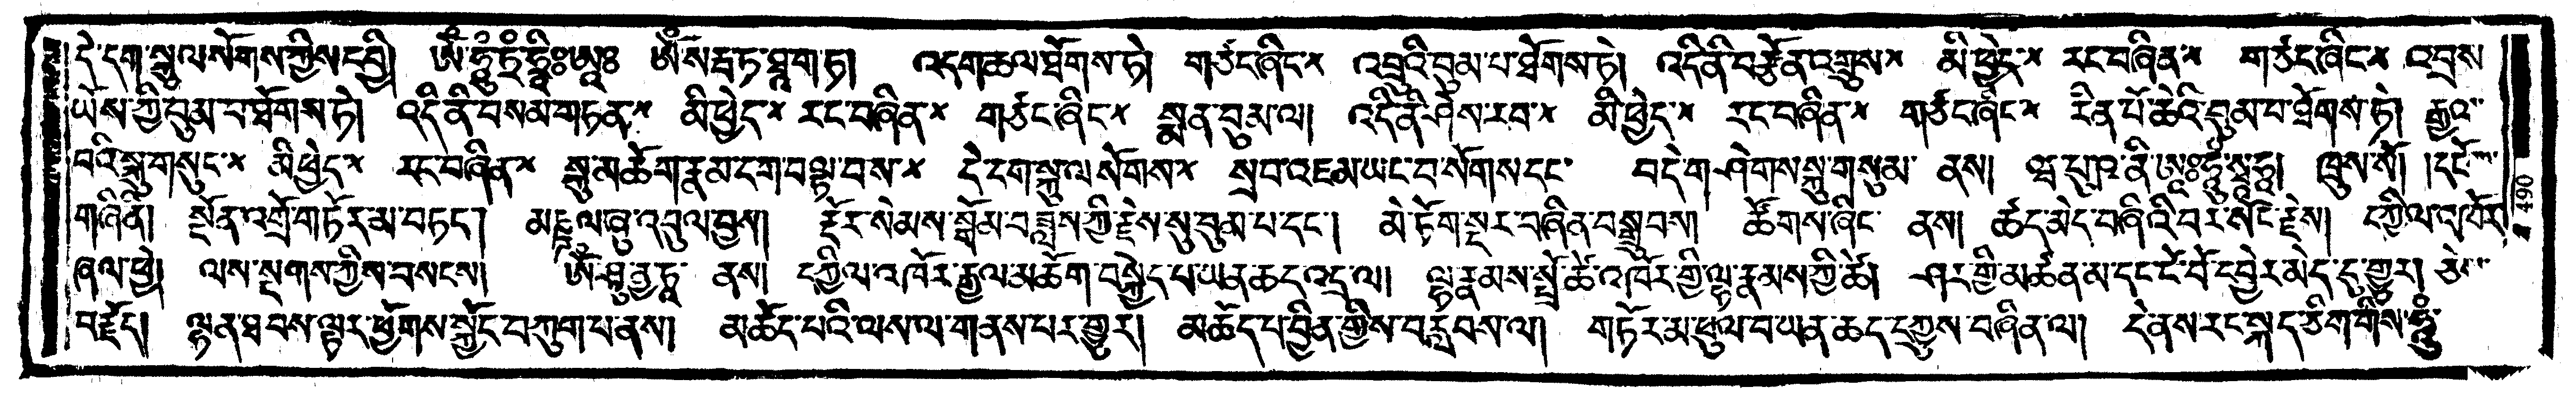དེ་དག་སྐུ་ལ་སོགས་ཀྱིས་དབྱི། ཨོཾ་ཧཱུཾ་ཏྲཾ་བྷྲཱིཿ ཨཱཿ ཨོཾ་སརྦ་ཏ་ཐཱ་ག་ཏ། འདག་ཆལ་ཐོགས་ཏེ། གཙང་ཞིང་྾་འབྲའི་བུམ་པ་ཐོགས་ཏེ། འདི་ནི་བརྩོན་འགྲུས་྾་མི་ཕྱེད་྾་རང་བཞིན་྾་གཙང་ཞིང་྾་འབྲས་
ཡོས་ཀྱི་བུམ་པ་ཐོགས་ཏེ། འདི་ནི་བསམ་གཏན་྾་མི་ཕྱེད་྾་རང་བཞིན་྾་གཙང་ཞིང་྾་སྨན་བུམ་ལ། འདི་ནི་ཤེས་རབ་྾་མི་ཕྱེད་྾་རང་བཞིན་྾་གཙང་ཞིང་྾་རིན་པོ་ཆེའི་བུམ་པ་ཐོགས་ཏེ། རྒྱལ་
བའི་སྐུ་གསུང་྾་མི་ཕྱེད་྾་རང་བཞིན་྾་སྐུ་མཆོག་རྣམ་དག་བལྟ་བས་྾་དེ་དག་སྐུ་ལ་སོགས་྾་སྲ་བ་འཇམ་ཡང་བ་སོགས་དང་བདེན་གཤེགས་སྐུ་གསུམ་ནས། ཝ་པུ་ཥ་ནི་ཨཱཿ ཧཱུཾ་སྭཱཧཱ། ཁྲུས་སོ། དངོས་
གཞི་ནི། སྔོན་འགྲོ་གཏོར་མ་བཏང་། མཎྜལ་ཞུ་འབུལ་བྱས། རྡོར་སེམས་སྒོམ་བཟླས་ཀྱི་རྗེས་སུ་བུམ་པ་དང་། མེ་ཏོག་སྔར་བཞིན་བསྒྲུབས། ཚོགས་ཞིང་ནས། ཚད་མེད་བཞིའི་བར་སང་རྗེས། དཀྱིལ་འཁོར་
ཞལ་ཕྱེ། ལས་སྔགས་ཀྱིས་བསངས། ཨོཾ་ཤཱུ་ནྱ་ཏཱ་ནས། དཀྱིལ་འཁོར་རྒྱལ་མཆོག་བསྐྱེད་པ་ཡན་ཆད་འདྲ་ལ། ལྷ་རྣམས་སྤྲོ་ཚེ་འཁོར་གྱི་ལྷ་རྣམས་ཀྱི་ཚེ། ཤར་གྱི་མཚན་མ་དང་ངོ་བོ་དབྱེར་མེད་དུ་གྱུར། ཅེས་
བརྗོད། ལྷན་ཐབས་ལྟར་ཕྱོགས་སྐྱོང་བཀུག་པ་ནས། མཆོད་པའི་ལས་ལ་གནས་པར་གྱུར། མཆོད་པ་བྱིན་གྱིས་བརླབས་ལ། གཏོར་མ་ཕུལ་བ་ཡན་ཆད་དཀྱུས་བཞིན་ལ། དེ་ནས་རང་སྐད་ཅིག་གིས་ཧཱུཾ་